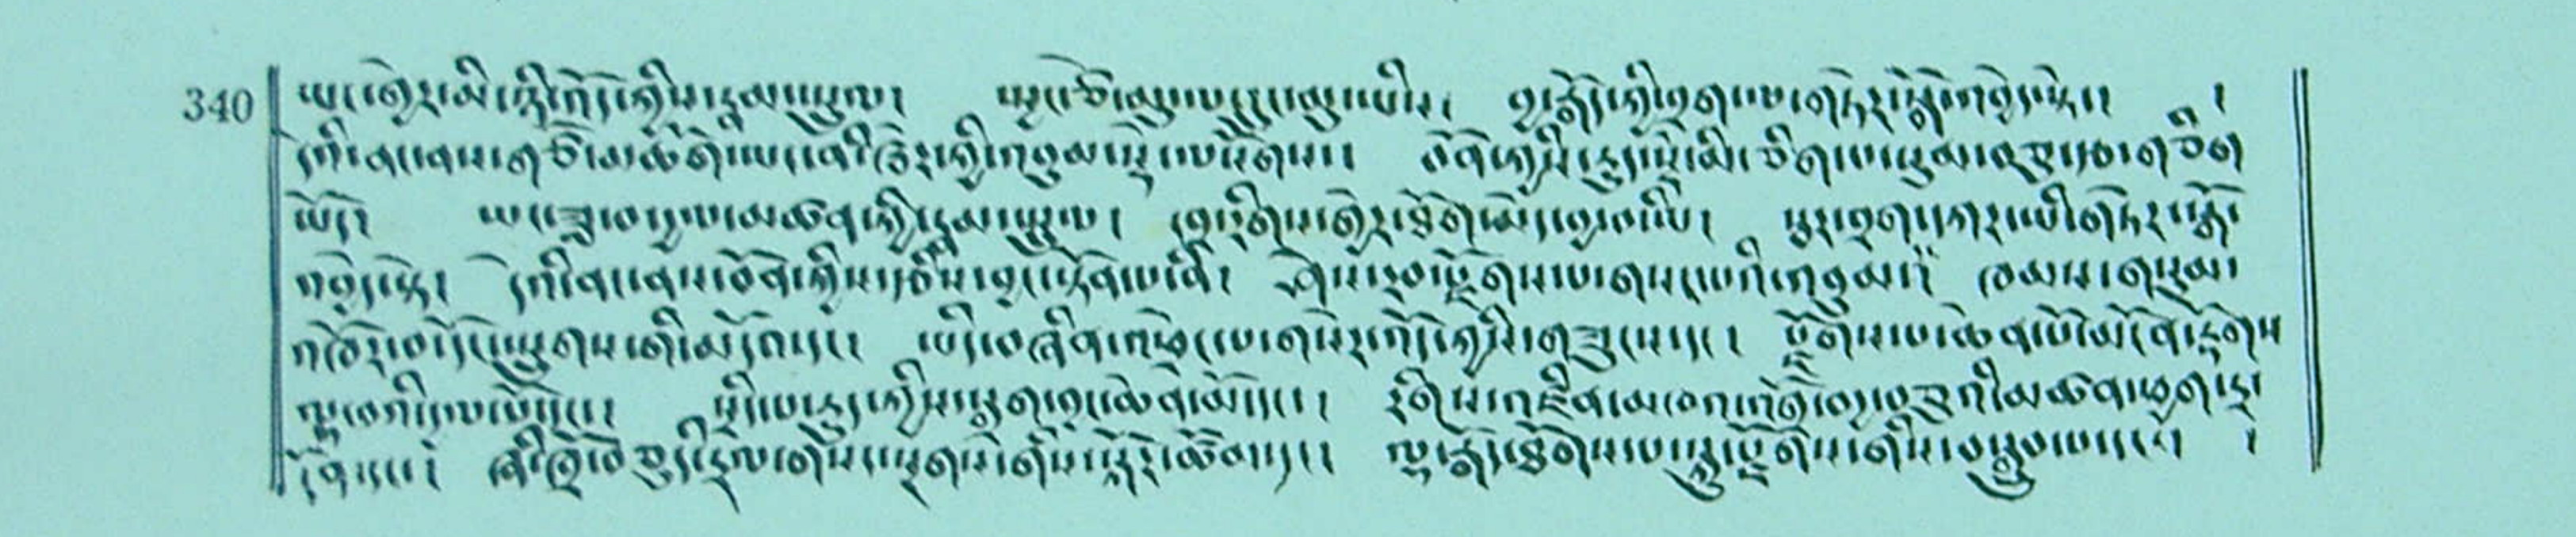ཡང་གྱེར་མི་ཉི་འོད་རྣམ་སྤྲུལ་པ། སྐྱང་རྩེ་མུ་ལ་དྲུང་མུ་ཡིས། བྱ་རྒོད་བྲག་ལ་གཏེར་སྒོ་འབྱེད་དེ། 
དེའི་ནང་ནས་གཙོ་མཆོག་ལང་ནི་ཝེར་གྱི་འབུམ་སྡེ་ལས་སོགས། བོན་གྱི་རྒྱུད་སྡེ་མི་གཅིག་པ་སུམ་བཅུ་རྩ་གཅིག་
ཡོད། དེའི་ཡང་ཟླ་བ་རྒྱལ་མཚན་གྱི་རྣམ་སྤྲུལ་པ། དབྲ་རིགས་ཀྱི་ཐོགས་མེད་བྱ་བ་ཡིས། སྦར་བྲག་དཀར་གྱི་གཏེར་སྒོ་
འབྱེད་དེ། དེའི་ནང་ནས་བོན་གྱི་རྩིས་བྱང་སྟོན་པ་ནི། ཤེས་རབ་རྫོགས་པ་གསང་བའི་འབུམ་དང་། ཁམས་གསུམ་
འཁོར་བ་དོང་སྤྲུག་གི་མདོའ་དང་། ཡིད་བཞིན་འཕྲེང་བ་གསེར་འོད་ཀྱི་གཟུངས་དང་། རྫོགས་པ་ཆེན་པོ་མངོན་རྟོགས་
ལྟ་བའི་རྒྱལ་པོ་དང་། སྲིད་པ་རྒྱུད་ཀྱི་བསྒྲགས་བྱང་ཆེན་མོ་དང་། རིགས་འཛིན་མཁའ་འགྲོའི་བརྒྱད་ཅུའི་མཚན་ཕྱག་དྲང་
དོན་དང་། ཞི་ཁྲོ་བཅུད་དྲིལ་གསང་སྔགས་ཀྱིས་སྐོར་ཚོམ་དང་། ལྷ་རྒོད་ཐོག་པ་སྐུ་རྫོགས་ཀྱིས་བསྒྲུབ་པ་དང་།